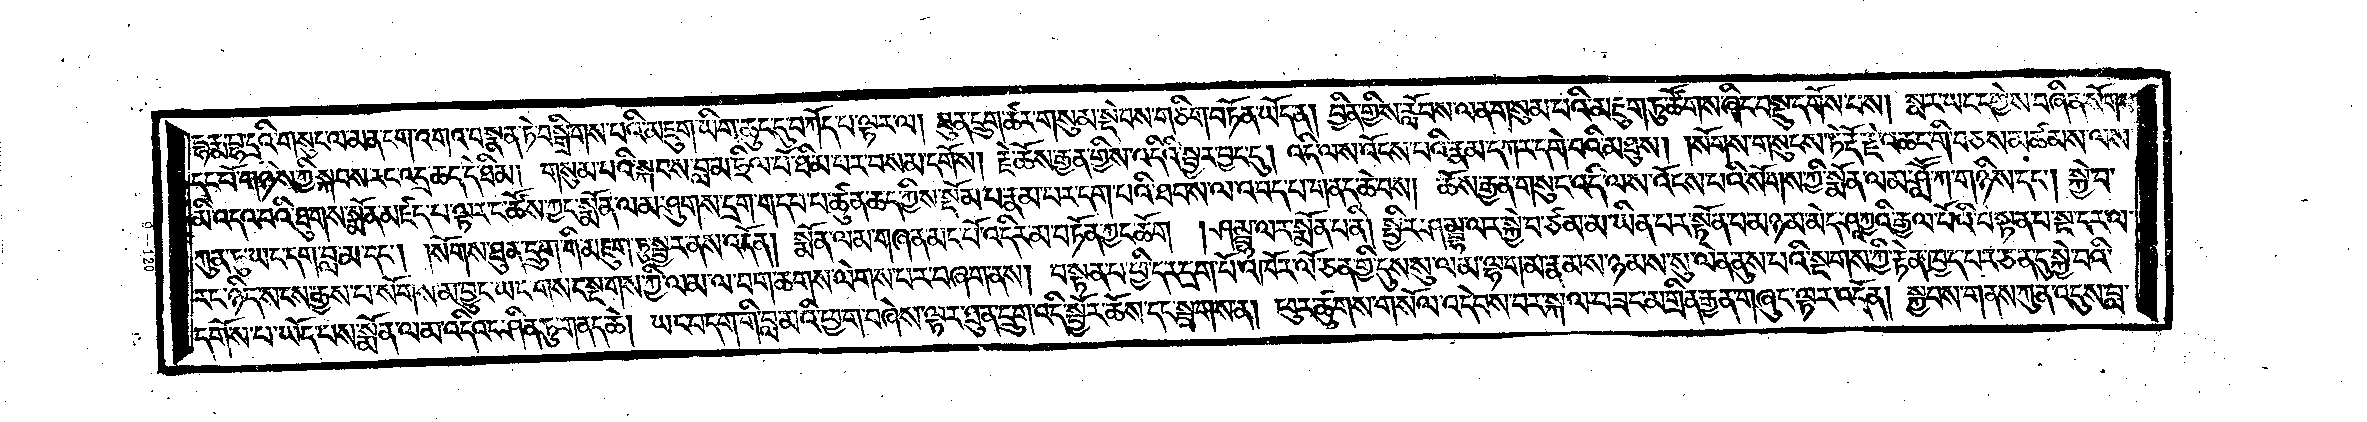དྷརྨ་བྷ་དྲའི་གསུང་ལ་མན་ངག་འགའ་བསྣན་ཏེ་བསྒྲིགས་པའི་མཇུག་ཡིག་ཆུང་དུ་བཀོད་པ་ལྟར་ལ། ཐུན་དྲུག་ཚར་གསུམ་སྡེབས་གཅིག་བཏོན་ཡོད་ན། བྱིན་གྱིས་རློབས་ལན་གསུམ་པའི་མཇུག་ཏུ་ཚོགས་ཞིང་བསྡུ་དགོས་བས། སླར་ཡང་དགྱེས་བཞིན་སོགས་
དང་པོ་གཉིས་ཀྱི་སྐབས་རང་འདྲ་ཆད་དེ་ཐིམ། གསུམ་པའི་སྐབས་བླ་མ་ཧྲིལ་པོ་ཐིམ་པར་བསམ་དགོས། རྗེ་ཆོས་རྒྱན་གྱིས་འདིའི་སྦྱར་བྱང་དུ། འདི་ལས་འོངས་པའི་རྣམ་དཀར་དགེ་བའི་མཐུས། །སོགས་གསུངས་ཏེ་རྡོ་རྗེ་འཆང་གི་བཅས་མཚམས་ལས་
མི་འདའ་བའི་ཐུགས་སྨོན་མཛད་པ་ལྟར་ང་?་ཚོས་ཀྱང་སྨོན་ལམ་ཤུགས་དྲག་གདབ་པ་ཚུན་ཆད་ཀྱིས་སྡོམ་པ་རྣམ་པར་དག་པའི་ཐབས་ལ་འབད་པ་གནད་ཆེ་བས། ཆོས་རྒྱན་གསུང་འདི་ལས་འོངས་པའི་སོགས་ཀྱི་སྨོན་ལམ་ཤOཨོ་ཀ་གཉིས་དང་། སྐྱེ་བ་
ཀུན་ཏུ་ཡང་དག་བླ་མ་དང་། །སོགས་ཐུན་དྲུག་གི་མཇུག་ཏུ་སྦྱར་?་ནས་གདོན། སྨོན་ལམ་གཞན་མང་པོ་འདིར་མ་བཏོན་ཀྱང་ཆོག །ཤམྦྷ་ལར་སྨོན་པ་ནི། སྤྱིར་ཤམྦྷ་ལར་སྐྱེ་བ་ཙམ་མ་ཡིན་པར་སྟོན་པ་མཉམ་མེད་ཤཱཀྱའི་རྒྱལ་པོའི་བསྟན་པ་སྔ་དར་ལ་
རང་ཉིད་སངས་རྒྱས་པ་སོགས་མ་བྱུང་ཡང་གསང་སྔགས་ཀྱི་ལམ་ལ་བག་ཆགས་ལེགས་པར་བཞག་ནས། བསྟན་པ་ཕྱི་དར་དྲག་པོ་འཁོར་ལོ་ཅན་གྱི་དུས་སུ་ལམ་ལྷག་མ་རྣམས་ཉམས་སུ་ལེན་ནུས་པའི་སྔགས་ཀྱི་རྟེན་ཁྱད་པར་ཅན་དུ་སྐྱེ་བའི་
དགོས་པ་ཡོད་པས་སྨོན་ལམ་འདི་ལ་ཤིན་ཏུ་གནད་ཆེ། ཡང་བདག་གི་བླ་མའི་ཕྱག་བཞེས་ལྟར་ཐུན་དྲུག་འདི་སྦྱོར་ཆོས་དང་སྒྲགས་ན། ཕུར་ཚུགས་གསོལ་འདེབས་པར་སྐལ་བཟང་མགྲིན་རྒྱན་གཞུང་ལྟར་འདོན། སྐྱབས་གནས་ཀུན་འདུས་བླ་